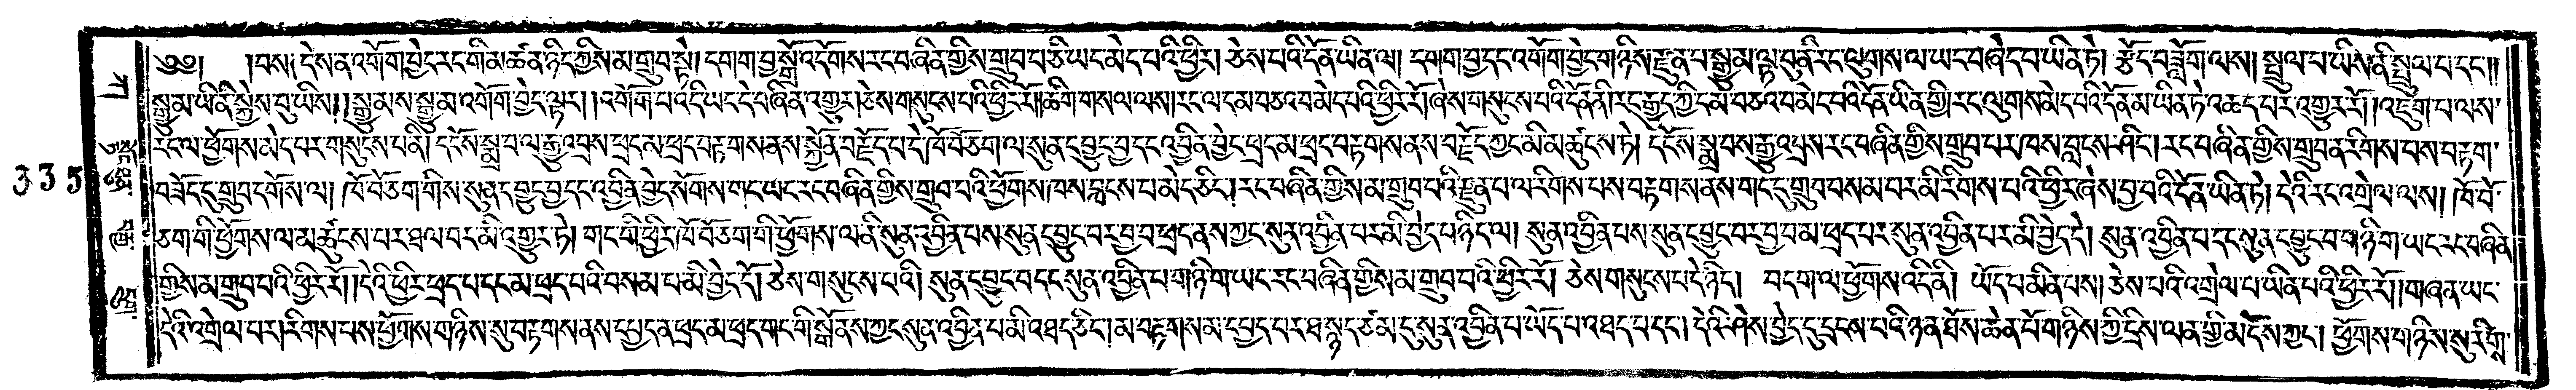༄༅། །བས༑ དེས་ན་འགོག་བྱེད་རང་གི་མཚན་ཉིད་ཀྱིས་མ་གྲུབ་སྟེ། དགག་བྱ་སྒྲོ་འདོགས་རང་བཞིན་གྱིས་གྲུབ་པ་ཅི་ཡང་མེད་པའི་ཕྱིར། ཅེས་པའི་དོན་ཡིན་ལ། དགག་བྱ་དང་འགོག་བྱེད་གཉིས་རྫུན་པ་སྒྱུ་མ་ལྟ་བུ་ནི་རང་ལུགས་ལ་ཡང་བཞེད་པ་ཡིན་ཏེ། རྩོད་བཟློག་ལས། སྤྲུལ་པ་ཡིས་ནི་སྤྲུལ་བ་དང།།
སྒྱུ་མ་ཡི་ནི་སྐྱེས་བུ་ཡིས། །སྒྱུ་མས་སྒྱུ་མ་འགོག་བྱེད་ལྟར། །འགོག་པ་འདི་ཡང་དེ་བཞིན་འགྱུར། ཅེས་གསུངས་པའི་ཕྱིར་རོ། །ཚིག་གསལ་ལས། རང་ལ་དམ་བཅའ་བ་མེད་པའི་ཕྱིར་རོ། ཞེས་གསུངས་པའི་དོན་ནི། རང་རྒྱུད་ཀྱི་དམ་བཅའ་བ་མེད་པའི་དོན་ཡིན་གྱི། རང་ལུགས་མེད་པའི་དོན་མ་ཡིན་ཏེ་འཆད་པར་འགྱུར་རོ། །འཇུག་པ་ལས་
རང་ལ་ཕྱོགས་མེད་པར་གསུངས་པ་ནི། དངོས་སྨྲ་བ་ལ་རྒྱུ་འབྲས་ཕྲད་མ་ཕྲད་བརྟགས་ནས་སྐྱོན་བརྗོད་པ་དེ་ཁོ་བོ་ཅག་ལ་སུན་དབྱུང་བྱ་དང་འབྱིན་བྱེད་ཕྲད་མ་ཕྲད་བརྟགས་ནས་བརྗོད་ཀྱང་མི་མཚུངས་ཏེ། དངོས་སྨྲ་བས་རྒྱུ་འབྲས་རང་བཞིན་གྱིས་གྲུབ་པར་ཁས་བླངས་ཤིང་། རང་བཞིན་གྱིས་གྲུབ་ན་རིགས་བས་བརྟག་
བཟོད་དུ་གྲུབ་དགོས་ལ། ཁོ་བོ་ཅག་གིས་སུན་དབྱུང་བྱ་དང་འབྱིན་བྱེད་སོགས་གང་ཡང་རང་བཞིན་གྱིས་གྲུབ་པའི་ཕྱོགས་ཁས་བླངས་པ་མེད་ཅིང་། རང་བཞིན་གྱིས་མ་གྲུབ་པའི་རྫུན་པ་ལ་རིགས་པས་བརྟགས་ནས་གང་དུ་གྲུབ་བསམ་པར་མི་རིགས་པའི་ཕྱིར་ཞེས་བྱ་བའི་དོན་ཡིན་ཏེ། དེའི་རང་འགྲེལ་ལས། ཁོ་བོ་
ཅག་གི་ཕྱོགས་ལ་མཚུངས་བར་ཐལ་བར་མི་འགྱུར་ཏེ། གང་གི་ཕྱིར་ཁོ་བོ་ཅག་གི་ཕྱོགས་ལ་ནི་སུན་འབྱིན་པས་སུན་དབྱུང་བར་བྱ་བ་ཕྲད་ནས་ཀྱང་སུན་འབྱིན་པར་མི་བྱེད་པ་ཉིད་ལ། སུན་འབྱིན་པས་སུན་དབྱུང་བར་བྱ་བ་མ་ཕྲད་པར་སུན་འབྱིན་པར་མི་བྱེད་དེ། སུན་འབྱིན་པ་དང་སུན་དབྱུང་བ་གཉི་ག་ཡང་རང་བཞིན་
གྱིས་མ་གྲུབ་པའི་ཕྱིར་རོ། །དེའི་ཕྱིར་ཕྲད་པ་དང་མ་ཕྲད་པའི་བསམ་པ་མི་བྱེད་དོ། ཅེས་གསུངས་པའི། སུན་དབྱུང་བ་དང་སུན་འབྱིན་པ་གཉི་ག་ཡང་རང་བཞིན་གྱིས་མ་གྲུབ་པའི་ཕྱིར་རོ། ཅེས་གསུངས་པ་དེ་ཉིད། བདག་ལ་ཕྱོགས་འདི་ནི། ཡོད་པ་མིན་པས། ཅེས་པའི་འགྲེལ་པ་ཡིན་པའི་ཕྱིར་རོ། །གཞན་ཡང་
དེའི་འགྲེལ་པར། རིགས་པས་ཕྱོགས་གཉིས་སུ་བརྟགས་ནས་དཔྱད་ན་ཕྲད་མ་ཕྲད་གང་གི་སྒོ་ནས་ཀྱང་སུན་འབྱིན་པ་མི་འཐད་ཅིང་། མ་བརྟགས་མ་དཔྱད་པར་ཐ་སྙད་ཙམ་དུ་སུན་འབྱིན་པ་ཡོད་པ་འཐད་པ་དང་། དེའི་ཤེས་བྱེད་དུ་དྲངས་པའི་ཉན་ཐོས་ཆེན་པོ་གཉིས་ཀྱི་དྲིས་ལན་གྱི་མདོས་ཀྱང་། ཕྱོགས་གཉིས་སུ་རིགས་